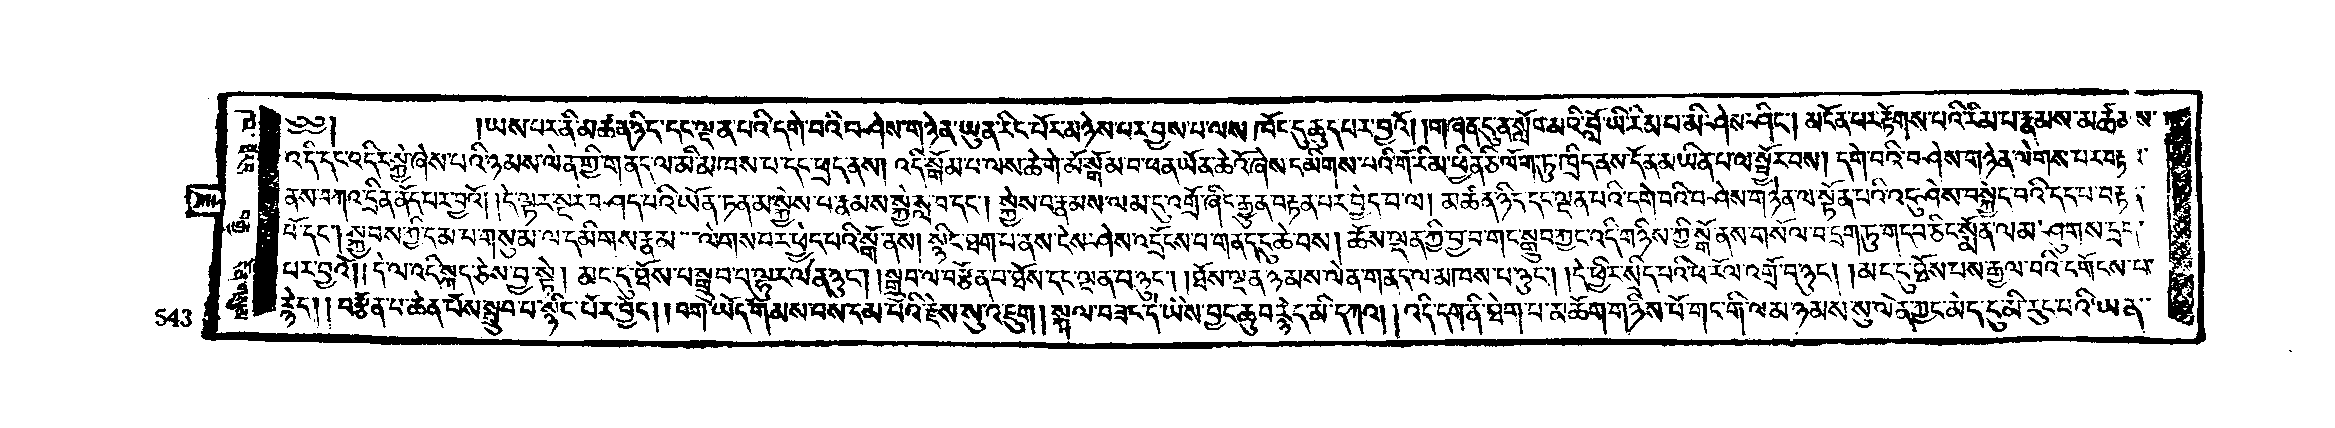༄༅། །ཡས་པར་ནི་མཚན་ཉིད་དང་ལྡན་པའི་དགེ་བའི་བཤེས་གཉེན་ཡུན་རིང་པོར་མཉེས་པར་བྱས་པ་ལས་ཁོང་དུ་ཆུད་པར་བྱའོ། །གཞན་དུ་ན་སློབ་མའི་བློ་ཡི་རིམ་པ་མི་ཤེས་ཤིང་། མངོན་པར་རྟོགས་པའི་རིམ་པ་རྣམས་མཚམས་
འདི་དང་འདིར་སྐྱེ་ཞེས་པའི་ཉམས་ལེན་གྱི་གནད་ལ་མི་མཁས་པ་དང་ཕྲད་ནས། འདི་སྒོམ་པ་ལས་ཆེ་གེ་མོ་སྒོམ་པ་ཕན་ཡོན་ཆེའོ་ཞེས་དམིགས་པའི་གོ་རིམ་ཕྱིན་ཅི་ལོག་ཏུ་ཁྲིད་ནས་དོན་མ་ཡིན་པ་ལ་སྦྱོར་བས། དགེ་བའི་བཤེས་གཉེན་ལེགས་པར་བརྟགས་
ནས་བཀའ་དྲིན་ནོད་པར་བྱའོ། །དེ་ལྟར་སྔར་བཤད་པའི་ཡོན་ཏན་མ་སྐྱེས་པ་རྣམས་སྐྱེ་སླ་བ་དང་། སྐྱེས་པ་རྣམས་ལམ་དུ་འགྲོ་ཞིང་རྒྱུན་བརྟན་པར་བྱེད་པ་ལ། མཚན་ཉིད་དང་ལྡན་པའི་དགེ་བའི་བཤེས་གཉེན་ལ་སྟོན་པའི་འདུ་ཤེས་བསྐྱེད་པའི་དད་པ་བརྟན་
པོ་དང་། སྐྱབས་ཀྱི་དམ་པ་གསུམ་ལ་དམིགས་རྣམ་ལེགས་པར་ཕྱེད་པའི་སྒོ་ནས། སྙིང་ཐག་པ་ནས་ངེས་ཤེས་འདྲོངས་པ་གནད་དུ་ཆེ་བས། ཆོས་ལྡན་གྱི་བྱ་བ་གང་སྒྲུབ་ཀྱང་འདི་གཉིས་ཀྱི་སྒོ་ནས་གསོལ་བ་དྲག་ཏུ་གདབ་ཅིང་སྨོན་ལམ་ཤུགས་དྲག་
པར་བྱའོ། །དེ་ལ་འདི་སྐད་ཅེས་བྱ་སྟེ། མང་དུ་ཐོས་པ་སྒྲུབ་པ་ལྷུར་ལེན་ཉུང་། །སྒྲུབ་ལ་བརྩོན་པ་ཐོས་དང་ལྡན་པ་ཉུང་། །ཐོས་ལྡན་ཉམས་ལེན་གནད་ལ་མཁས་པ་ཉུང་། །དེ་ཕྱིར་སྲིད་པའི་ཕ་རོལ་འགྲོ་བ་ཉུང་། །མང་དུ་ཐོས་པས་རྒྱལ་བའི་དགོངས་པ་
རྙེད། །བརྩོན་པ་ཆེན་པོས་སྒྲུབ་པ་སྙིང་པོར་བྱེད། །བག་ཡོད་གོམས་པས་དམ་པའི་རྗེས་སུ་འཇུག །སྐལ་བཟང་དེ་ཡིས་བྱང་ཆུབ་རྙེད་མི་དཀའ། །འདི་དག་ནི་ཐེག་པ་མཆོག་གཉིས་པོ་གང་གི་ལམ་ཉམས་སུ་ལེན་ཀྱང་མེད་དུ་མི་རུང་པའི་ཡན་